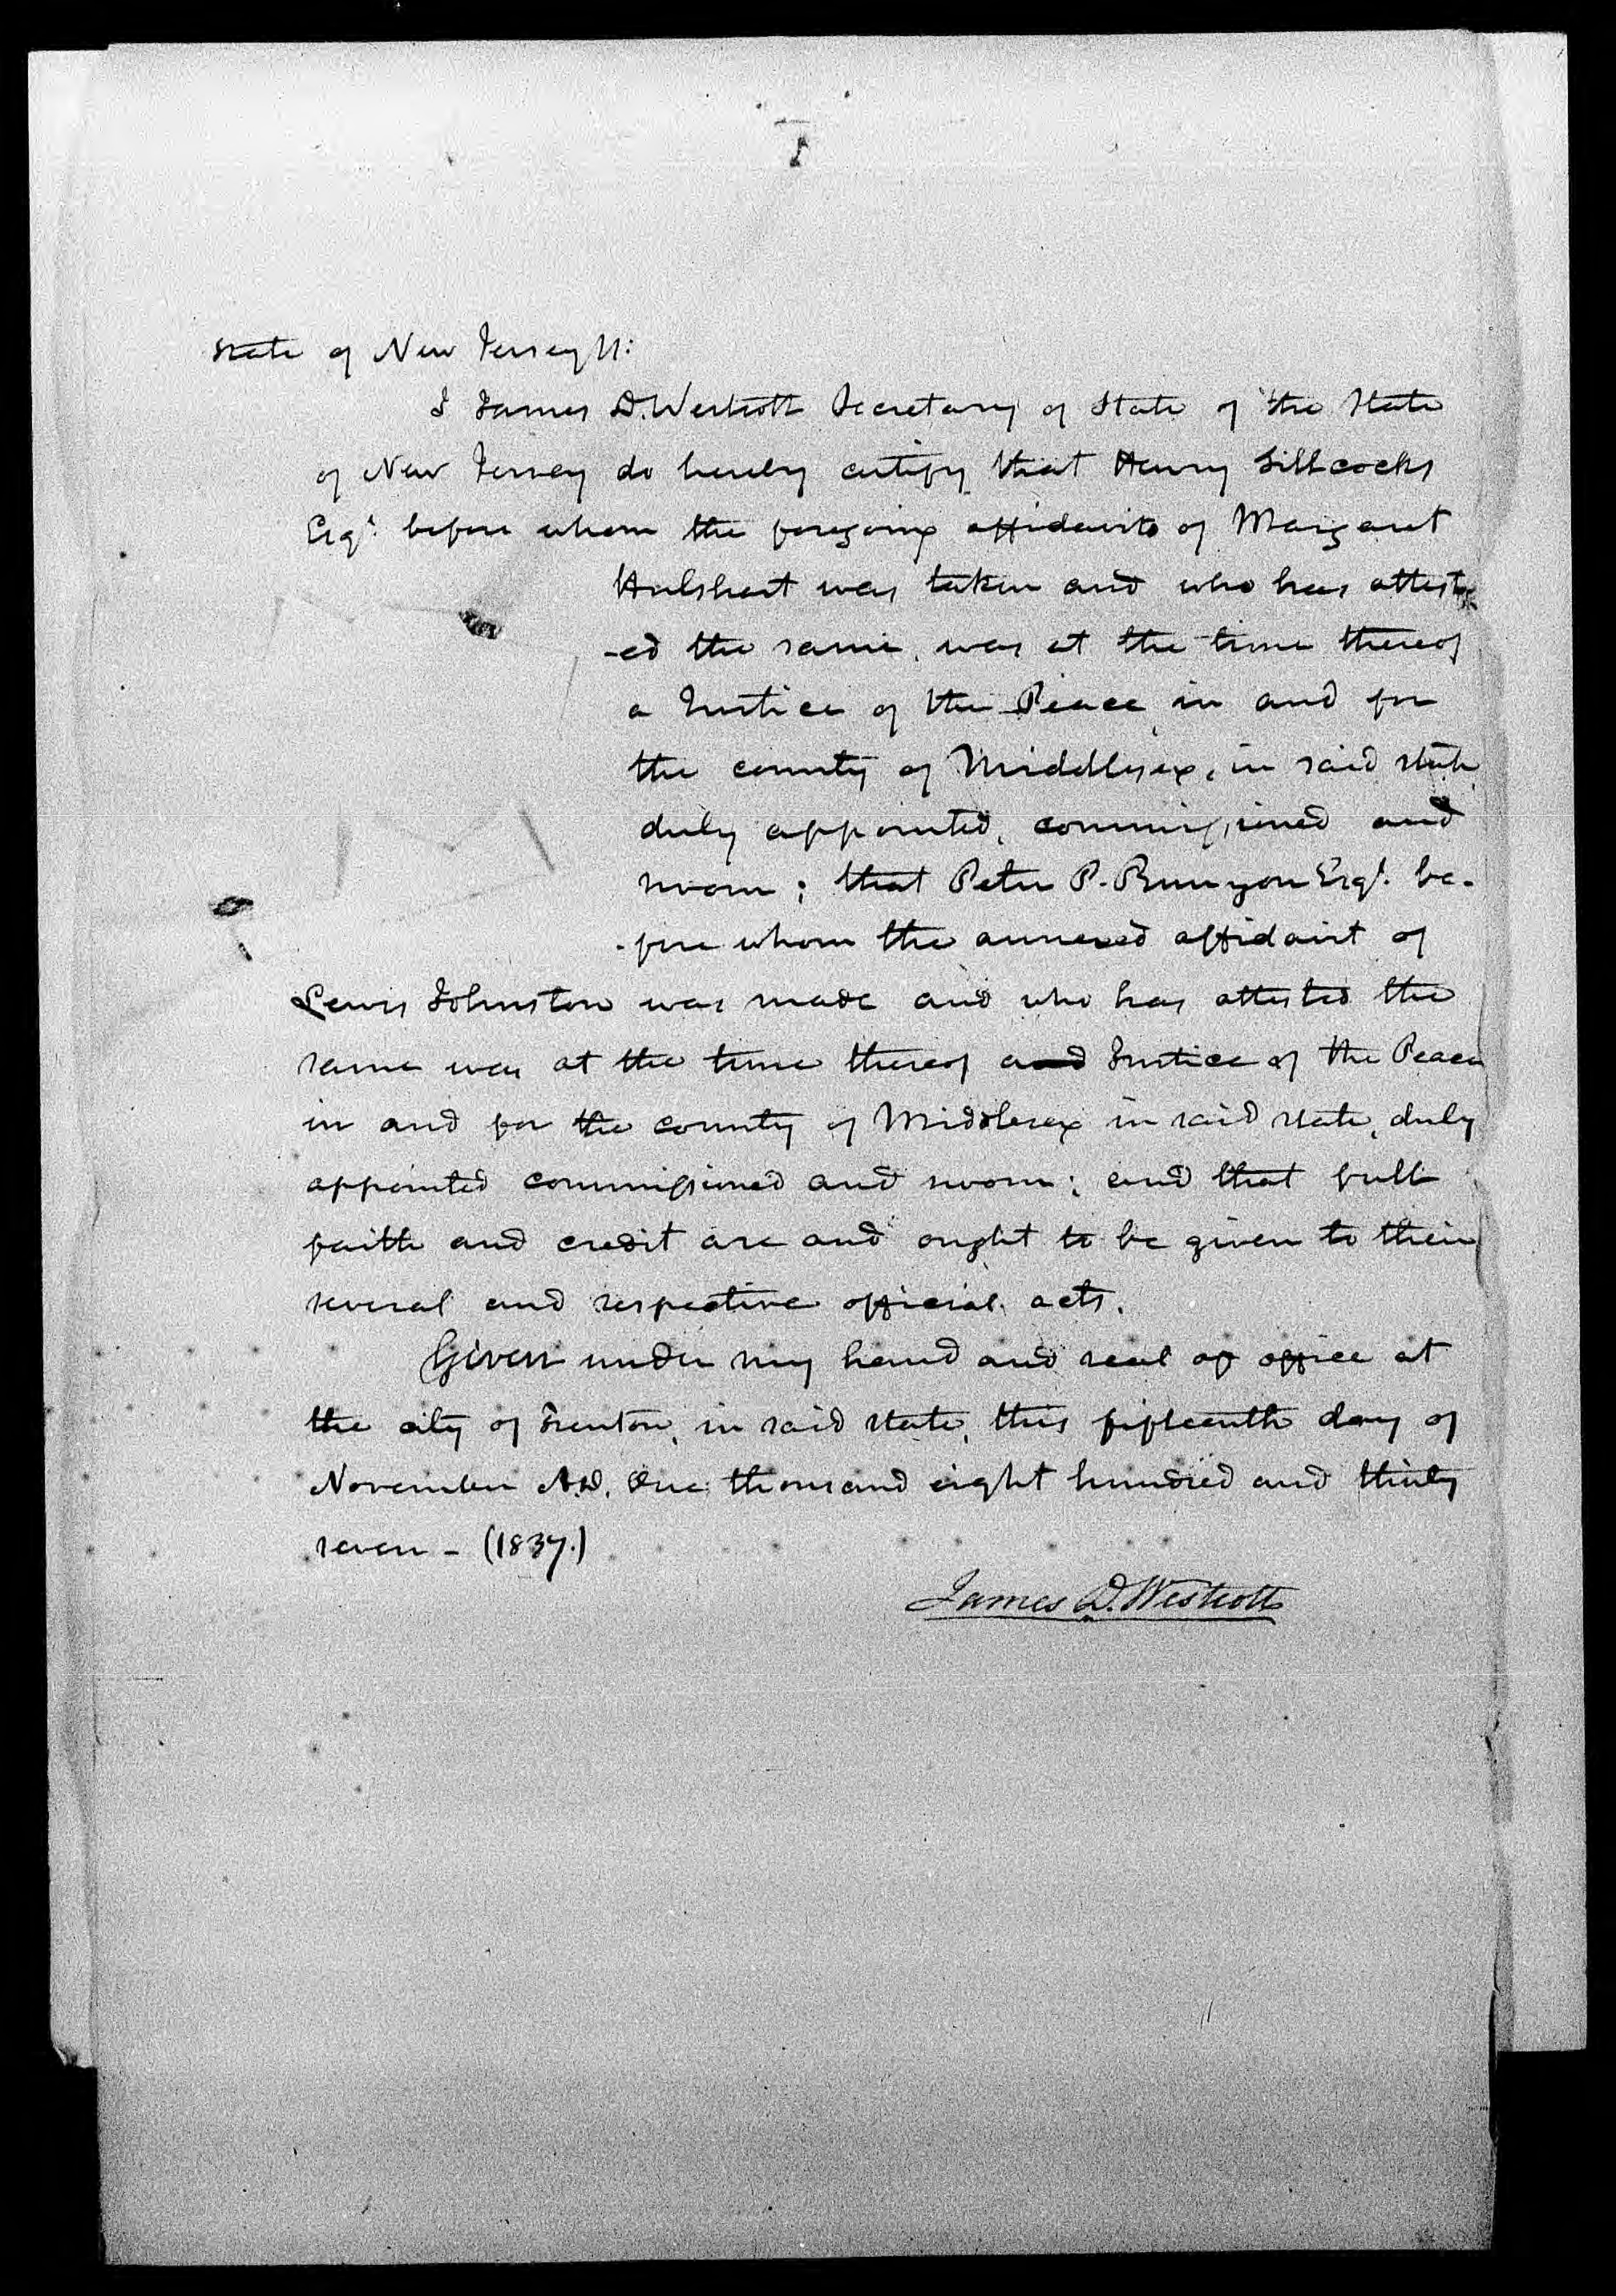State of New Jersey SS:
I James D. Westcott Secretary of State of the State of New Jersey do hereby certify that Henry Sillcocks Esq before whom the foregoing affidavits of Margaret Hulshart was taken and who has attested the same was at the time thereof a Justice of the Peace in and for the County of Middlesex, in said state  duly appointed commissioned and sworn; that Peter P. Runyon Esq before whom the annexed affidavit of Lewis Johnston was made and who has attested the same was at the time thereof ['and' crossed out] Justice of the Peace in and for the County of Middlesex in said State duly
appointed commissioned and sworn; and that full faith and credit are and ought to be given to their several and respective official acts.

Given under my hand and seal of office at
the city of Trenton in said state this fifteenth day of November A.D. One thousand eight hundred and thirty seven (1837)
James D. Westcott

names: Henry Sillcocks, James D Westcott, Margaret Hulshart, Lewis Johnston, Peter P Runyon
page: 14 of 34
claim: widow's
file: W. 940, John Hulshart, New Jersey